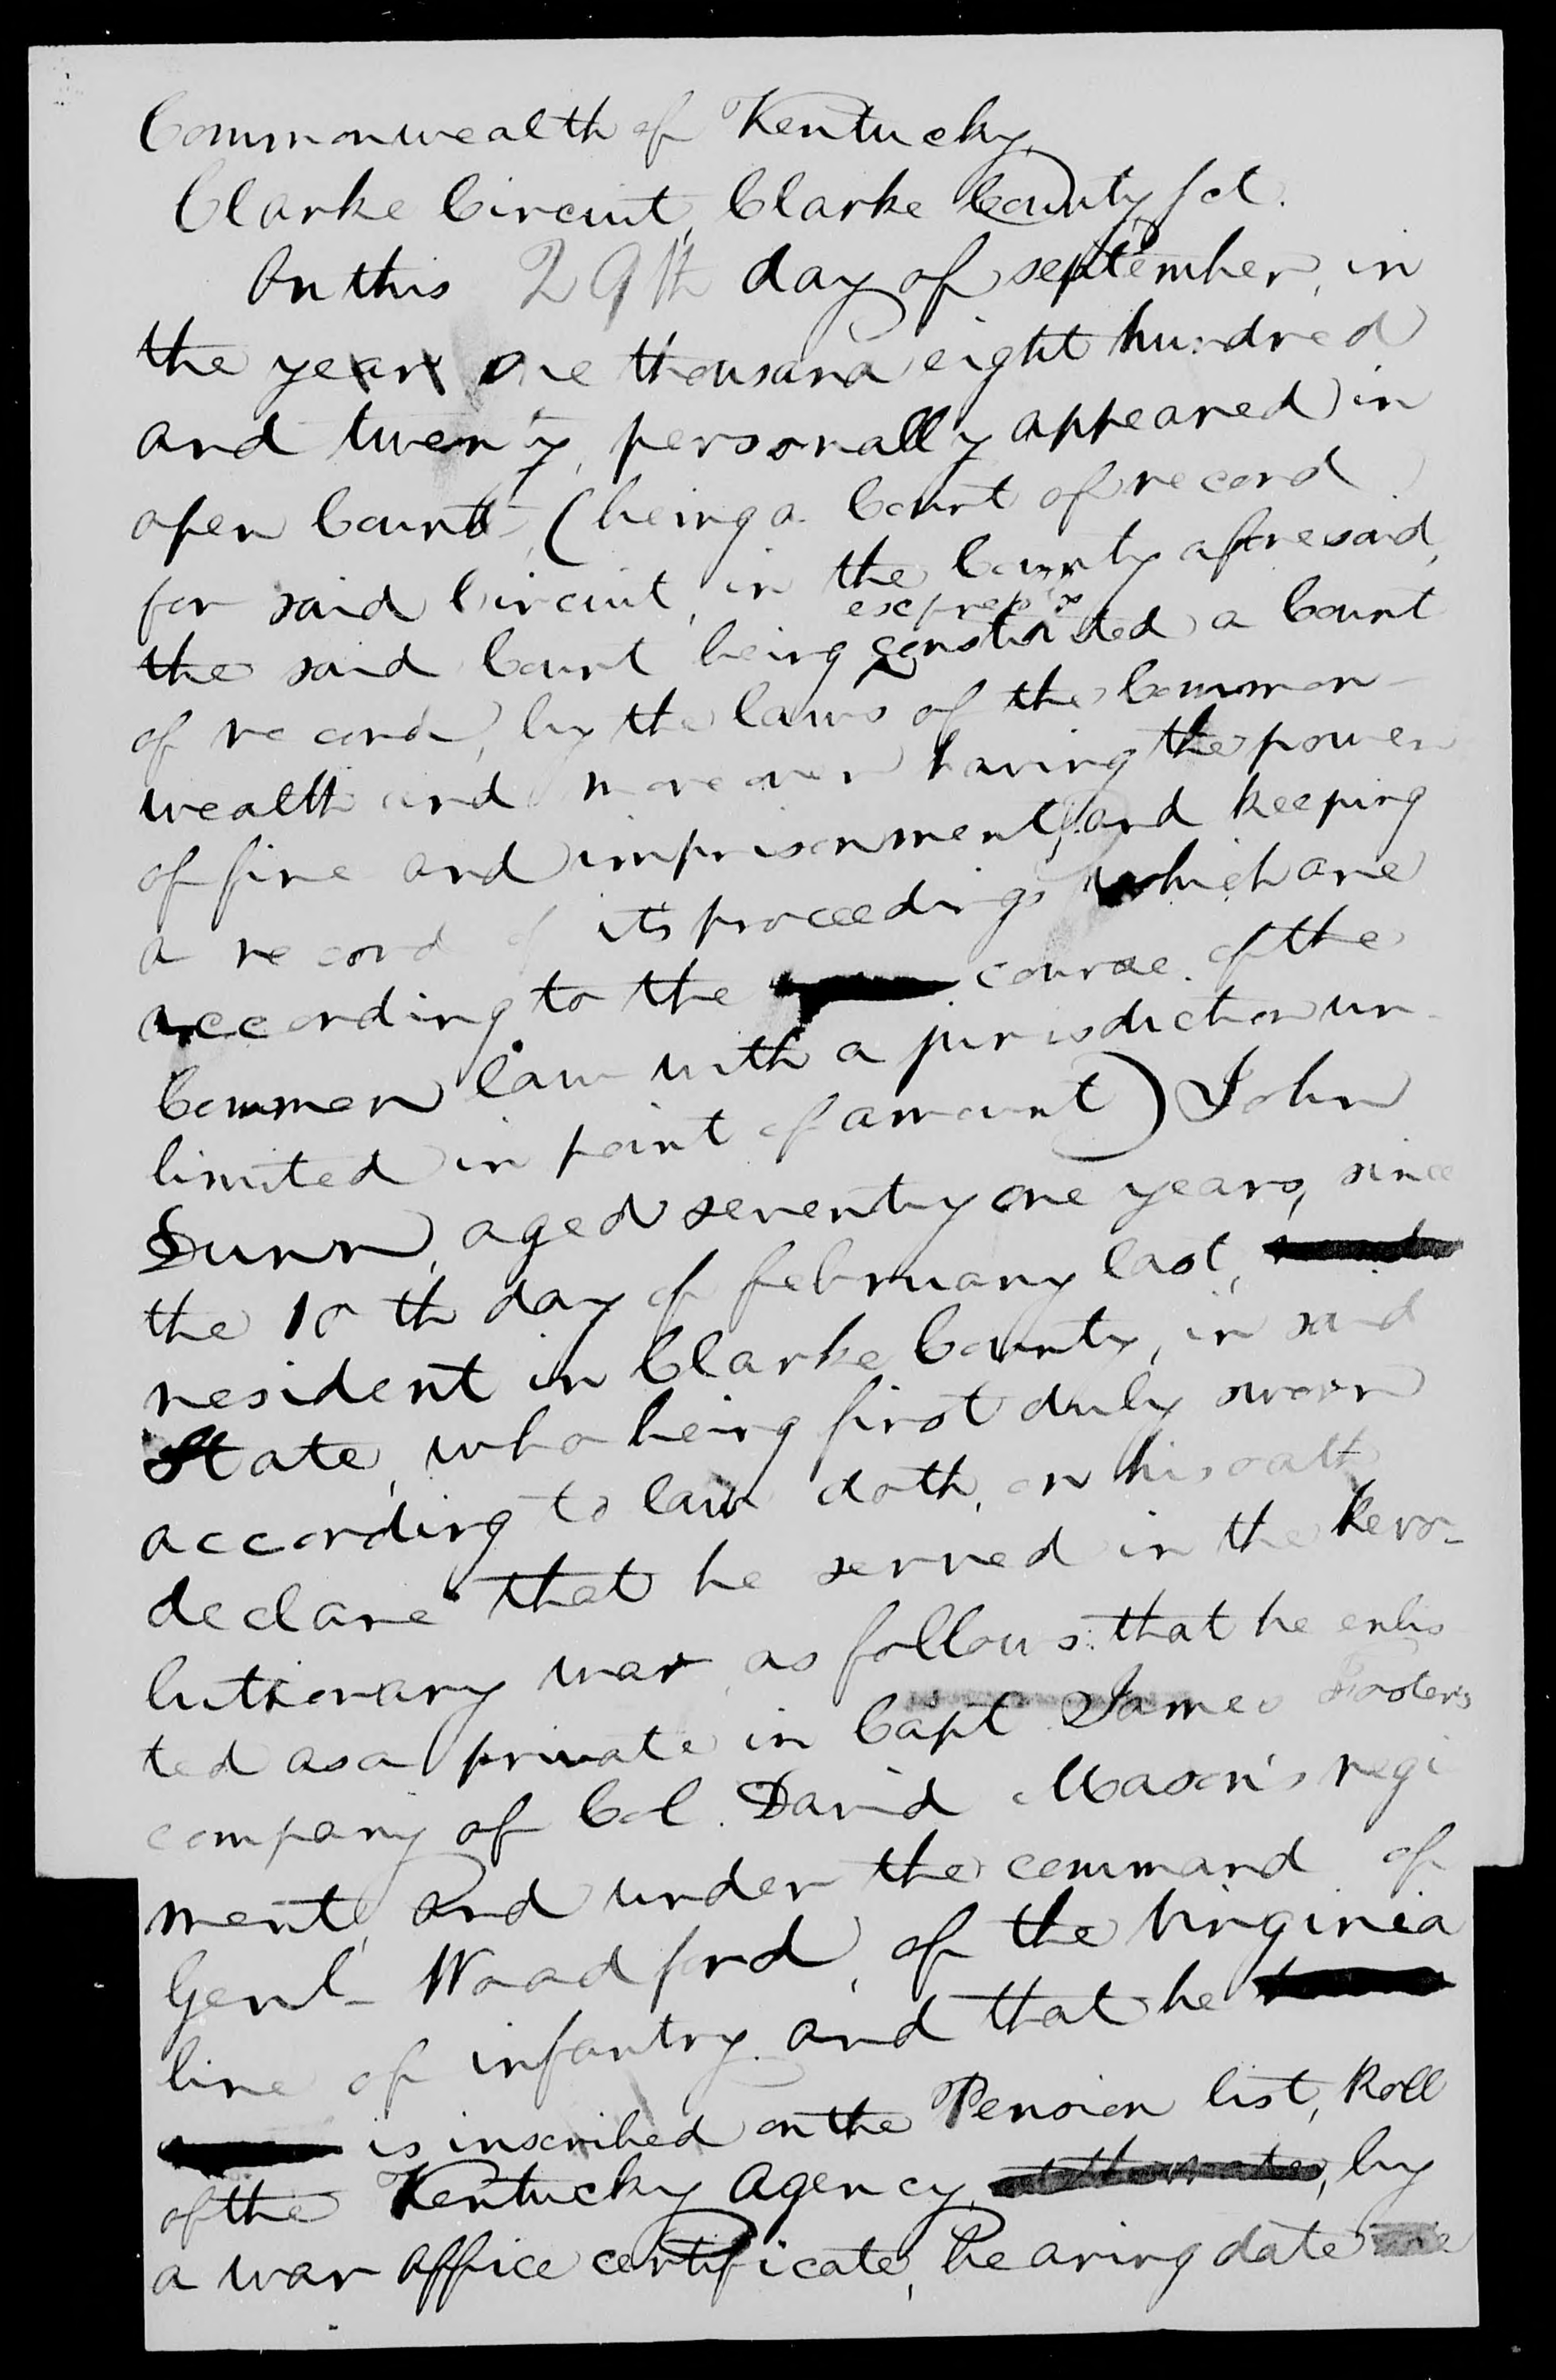Commonwealth of Kentucky
Clarke Circuit Clarke County Sct.

On this 29th day of september in the year one thousand eight hundred and twenty, personally appeared in open Court (being a Court of record for said Circuit in the County aforesaid, the said Court being expressly considered a Court of record by the laws of the Commonwealth and moreover, having the power of fine and imprisonment, and keeping a record of its proceedings which are according to the cause of the Common law with a jurisdiction limited in point of amount) John Dunn, aged seventy one years, since the 10th day of february last, resident in Clarke County, in said state, who being first duly sworn according to law doth, on his oath declare that he served in the Revolutionary war as follows: that he enlisted as a private in Capt. James Foster's company of Col. David Mason regiment
and under the command of Genl [William ] Woodford of the Virginia line of infantry and that he is inscribed on the Pension list, Roll of the 
Kentucky Agency, by a war office certificate, 
bearing date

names: Woodford, John Dunn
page: 16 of 23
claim: survivor's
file: S 35903, John Dunn, Va.